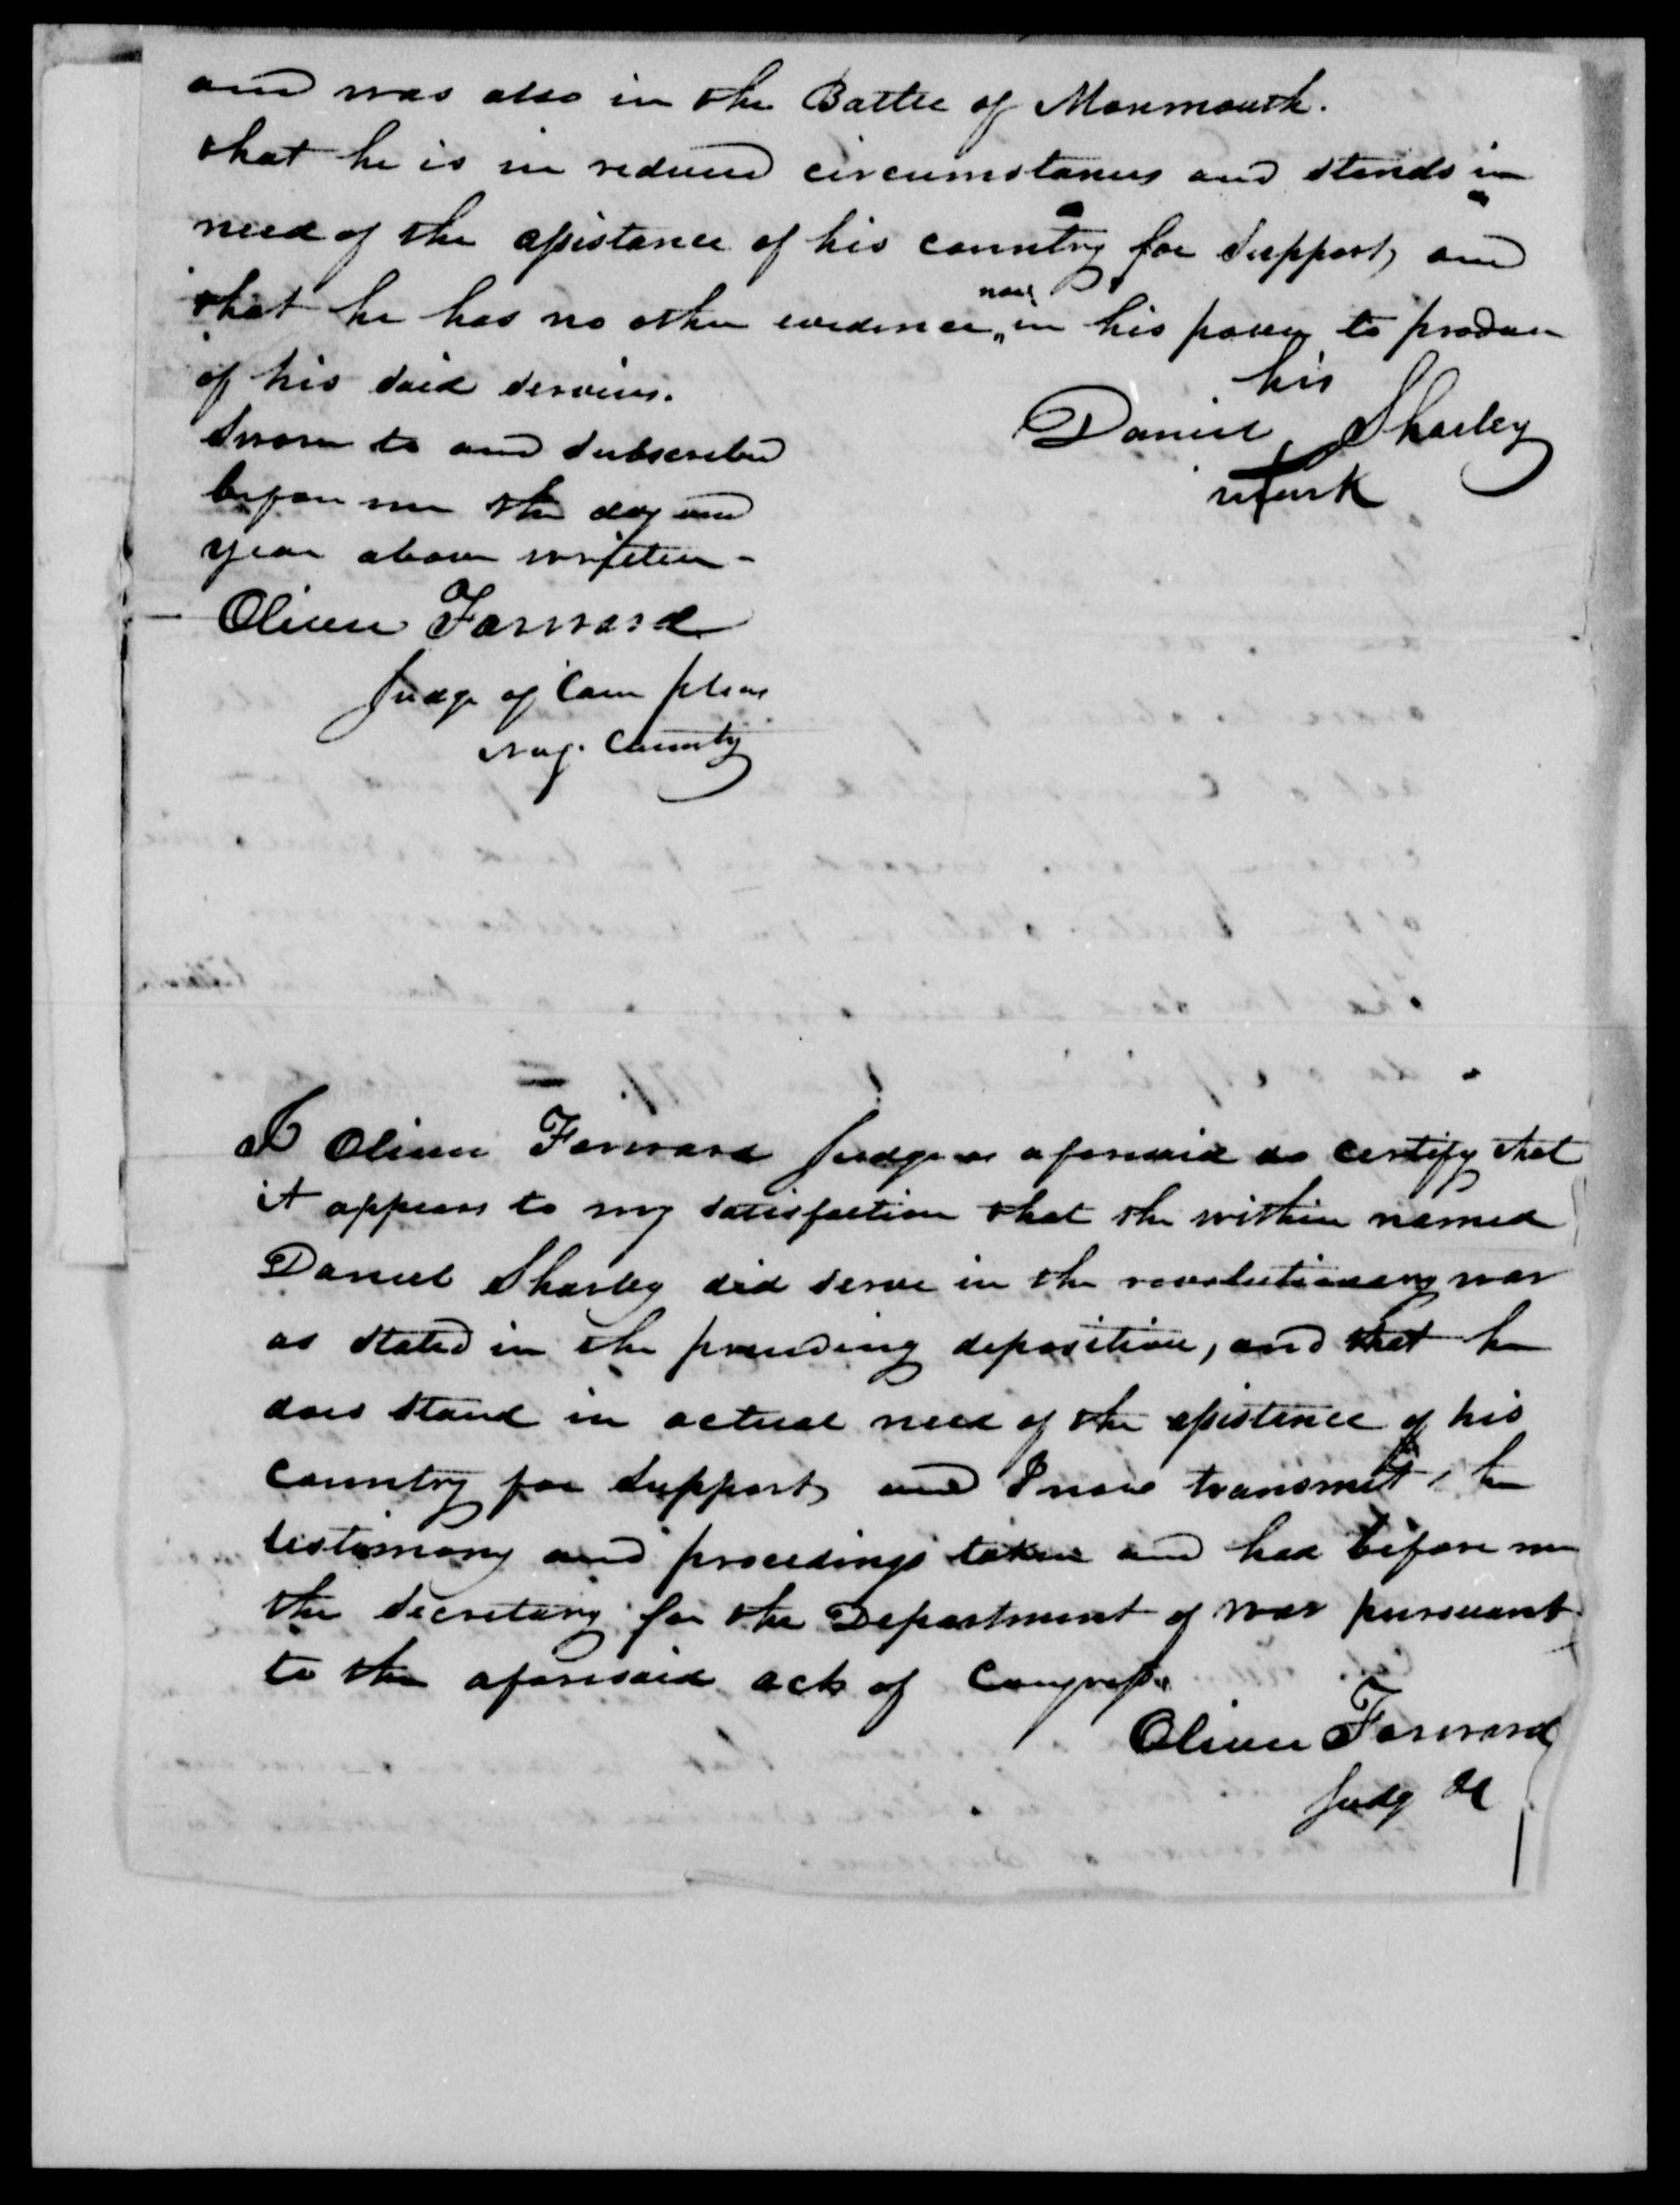and was also in the Battle of Monmouth.

That he is in reduced circumstances and stands in need of the afsistance of his country for support, and that he has no other evidence now in his power to produce of his said services.
Daniel  his x mark  Shirley

Sworn to and Subscribed before me the day and year above written--
Oliver Forward
Judge of Com Pleas
Niag. County

I Oliver Forward Judge as aforesaid do certify that it appears to my satisfaction that the within named Daniel Shirley did serve in the revolutionary war as stated in the preceding deposition, and that he does stand in actual need of the afsistence of his country for Support, and I now transmit the testimony and proceedings taken and had before me the Secretary for the Department of War pursuant to the aforesaid act of Congrefs
Oliver Forward
Judge &c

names: Daniel Sharley; Oliver Forward; Daniel Sharley; Oliver Forward; Oliver Forward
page: 6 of 20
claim: survivor's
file: S. 40412, for Daniel Shirley, New Hampshire